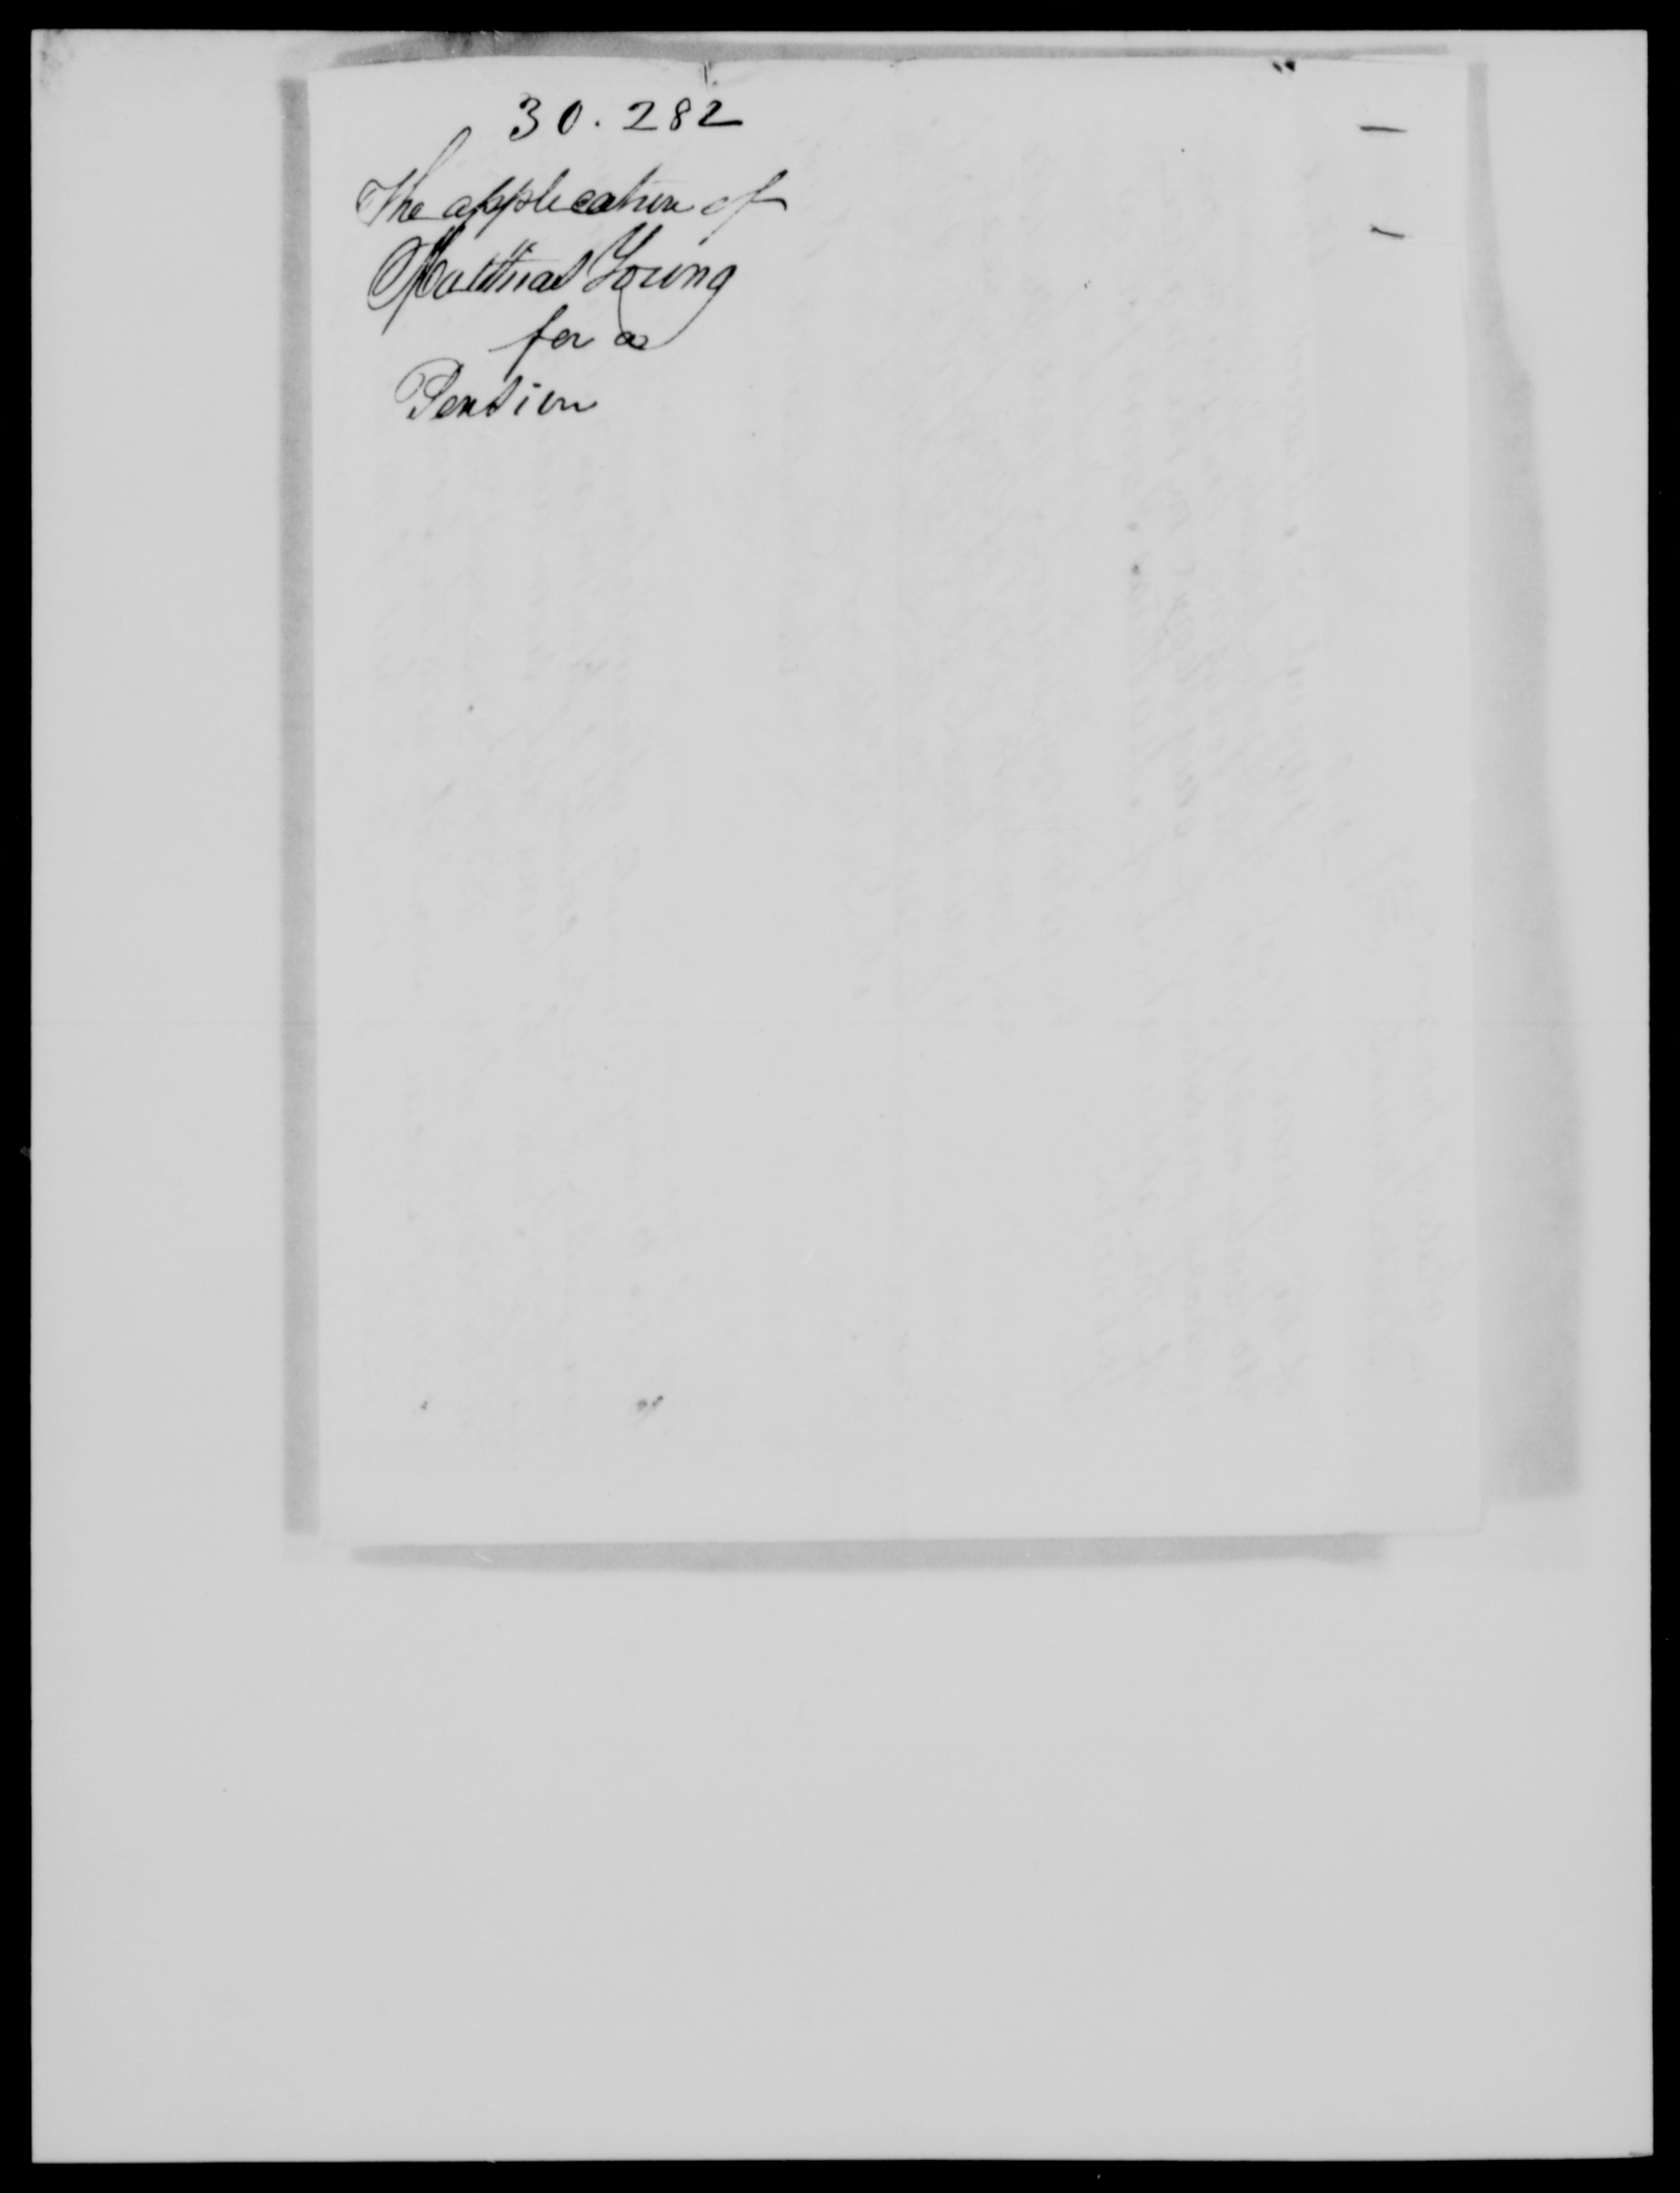30.282
The application of
Matthias Young 
for a 
Pension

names: Matthias Young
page: 3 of 123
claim: rejected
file: R. 11,949, Matthias Young, Md.